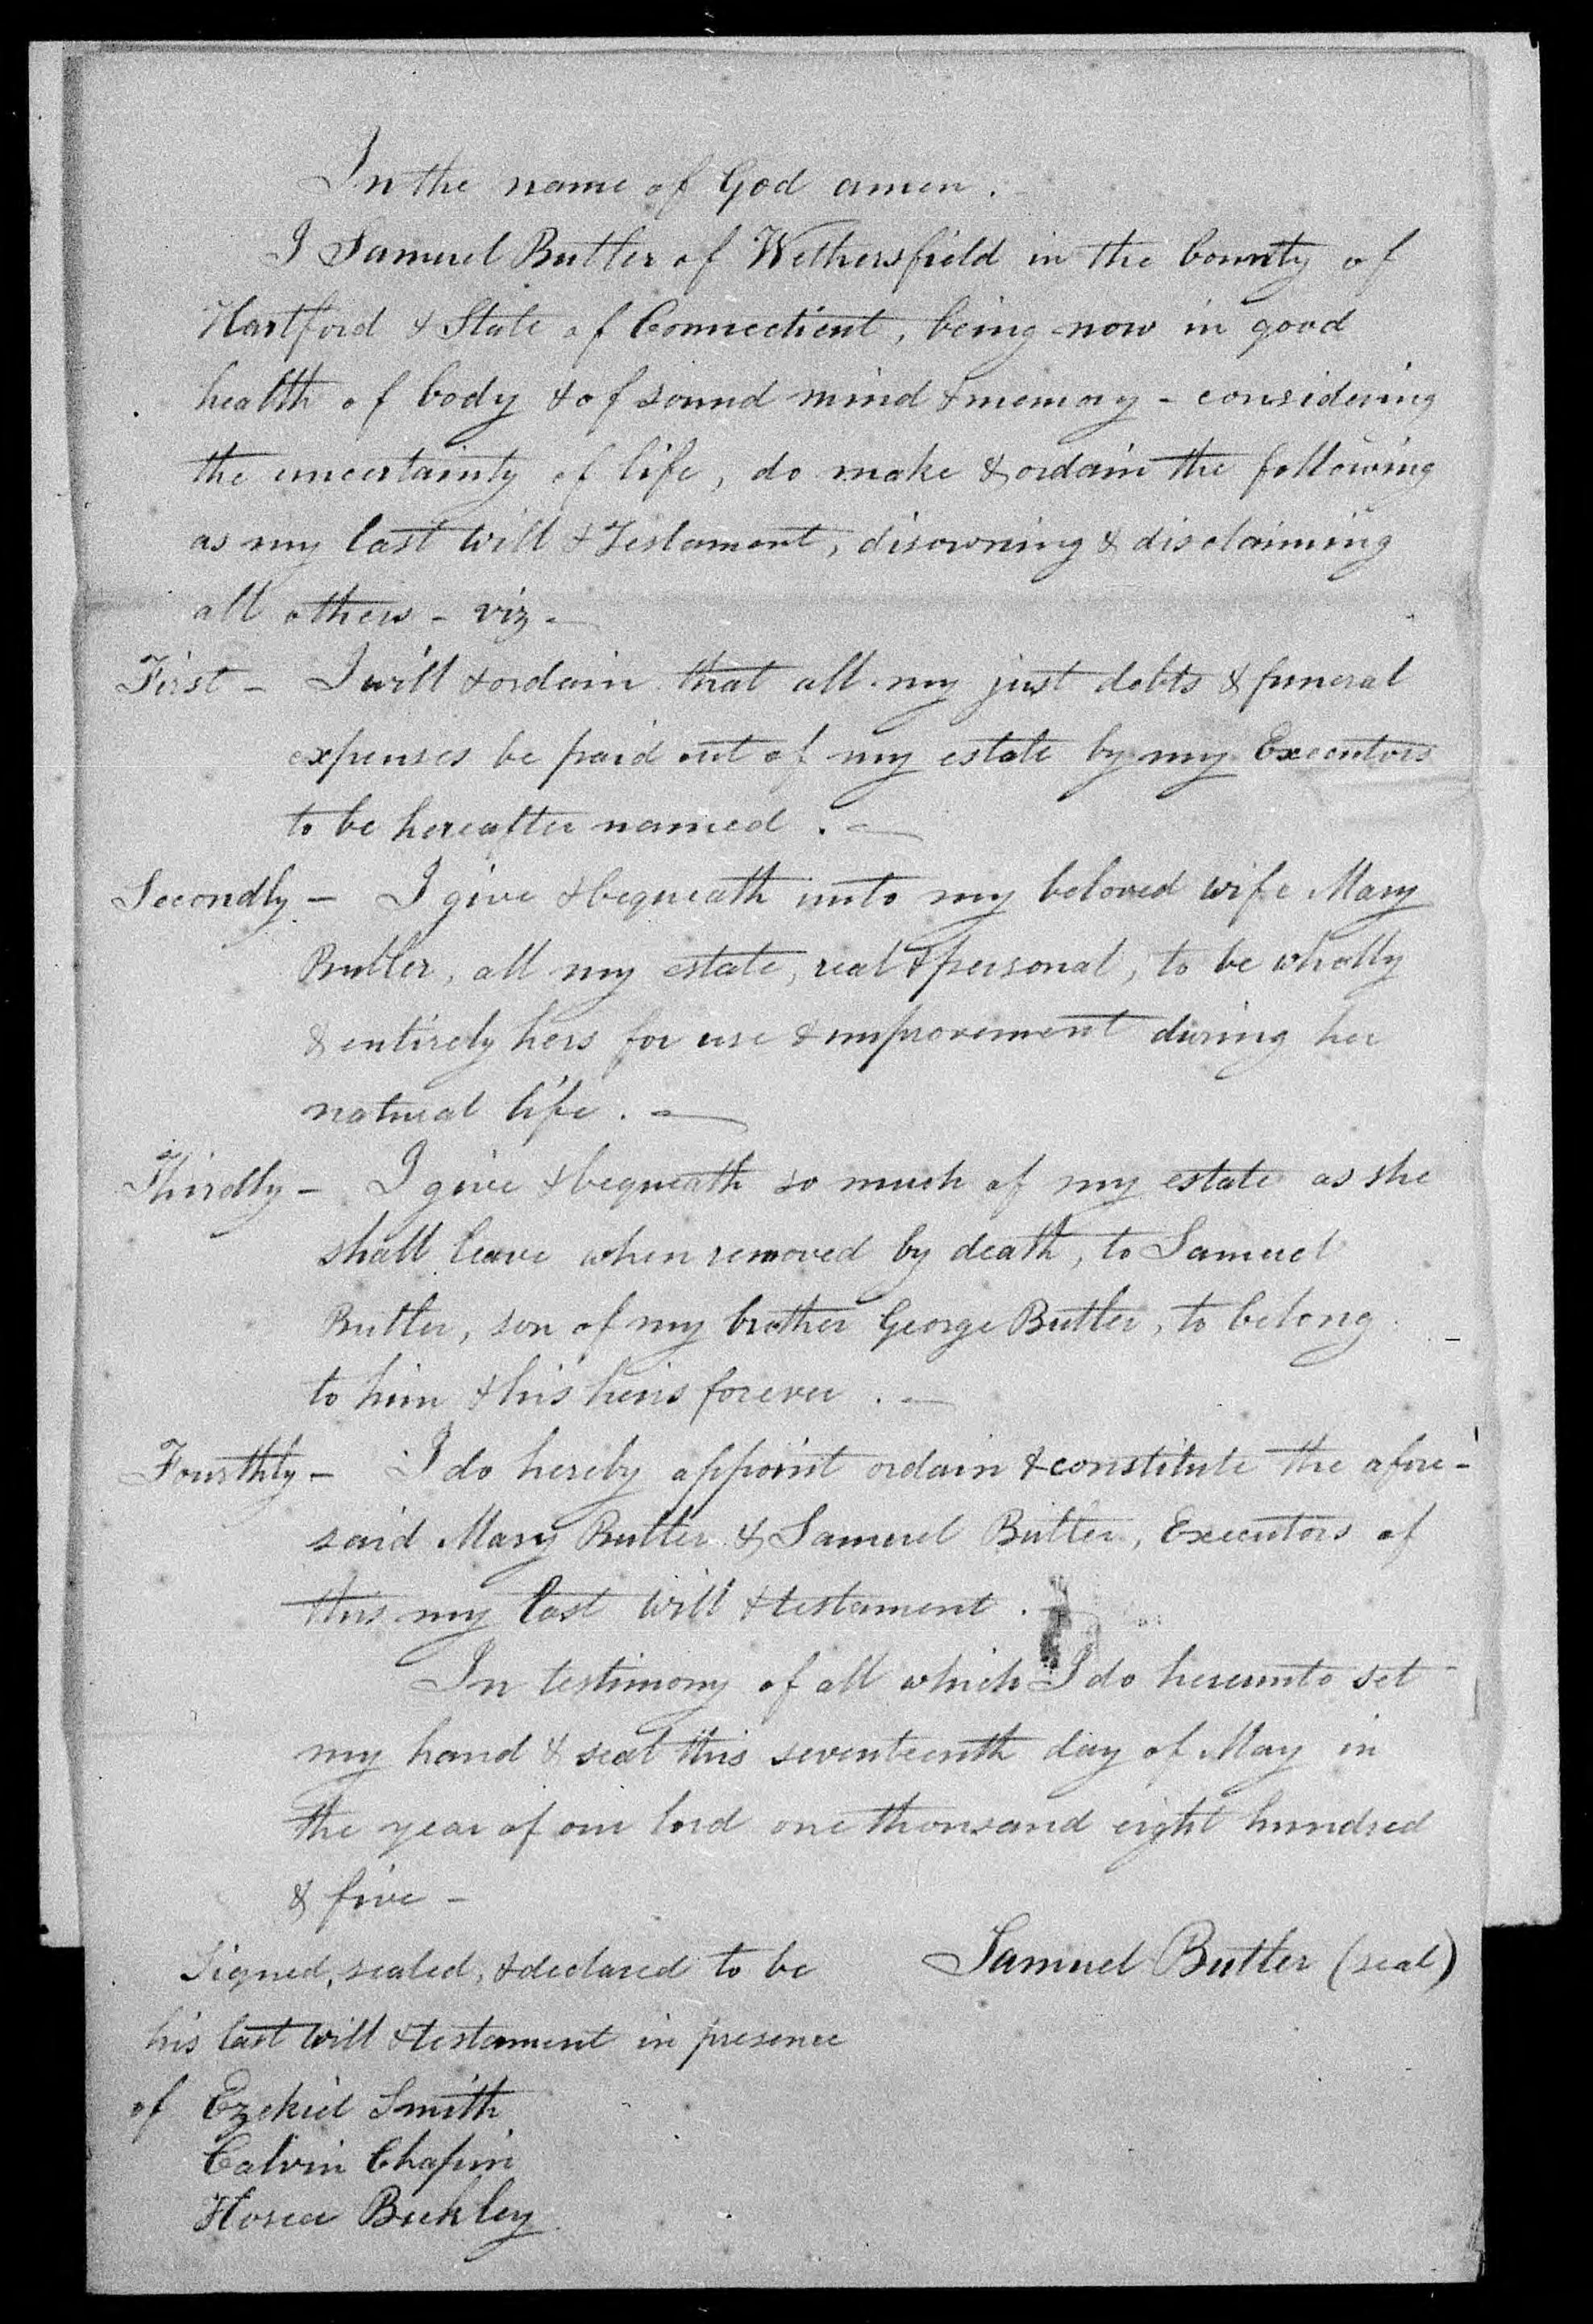In the name of God amen.
I Samuel Butler of Wethersfield in the County of Hartford & State of Connecticut, being now in good health of body & of sound mind & memory - considering the uncertainty of life, do make & ordain the following as my last will & testament, disowning & disclaiming all others - viz.
First - I will & ordain that all my just debts & funeral expenses be paid out of my estate by my executors to be hereafter named.
Secondly - I give & bequeath unto my beloved wife Mary Butler, all my estate real & personal, to be wholly & entirely hers for use & improvement during her natural life.
Thirdly - I give & bequeath so much of my estate as she shall leave when removed by death, to Samuel Butler, son of my brother George Butler, to belong to him & his heirs forever.
Fourthly - I do hereby appoint ordain & constitute the above said Mary Butler & Samuel Butler, Executors of this my last will & testament.
In testimony of all which I do hereunto set my hand & seal this seventeenth day of May in the year of our lord one thousand eight hundred & five -
Samuel Butler (seal)

Signed, sealed, & declared to be his last will & testament in presence 
of Ezekiel Smith
Calvin Chapin
Hosea Bukley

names: Samuel Butler, Calvin Chapin, Mary Butler, Mary Butler, George Butler, Ezekiel Smith, Samuel Butler, Samuel Butler, Hosea Bukley, Samuel Butler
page: 9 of 46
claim: survivor's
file: S. 36,556, Ichabod Goodrich, Conn.